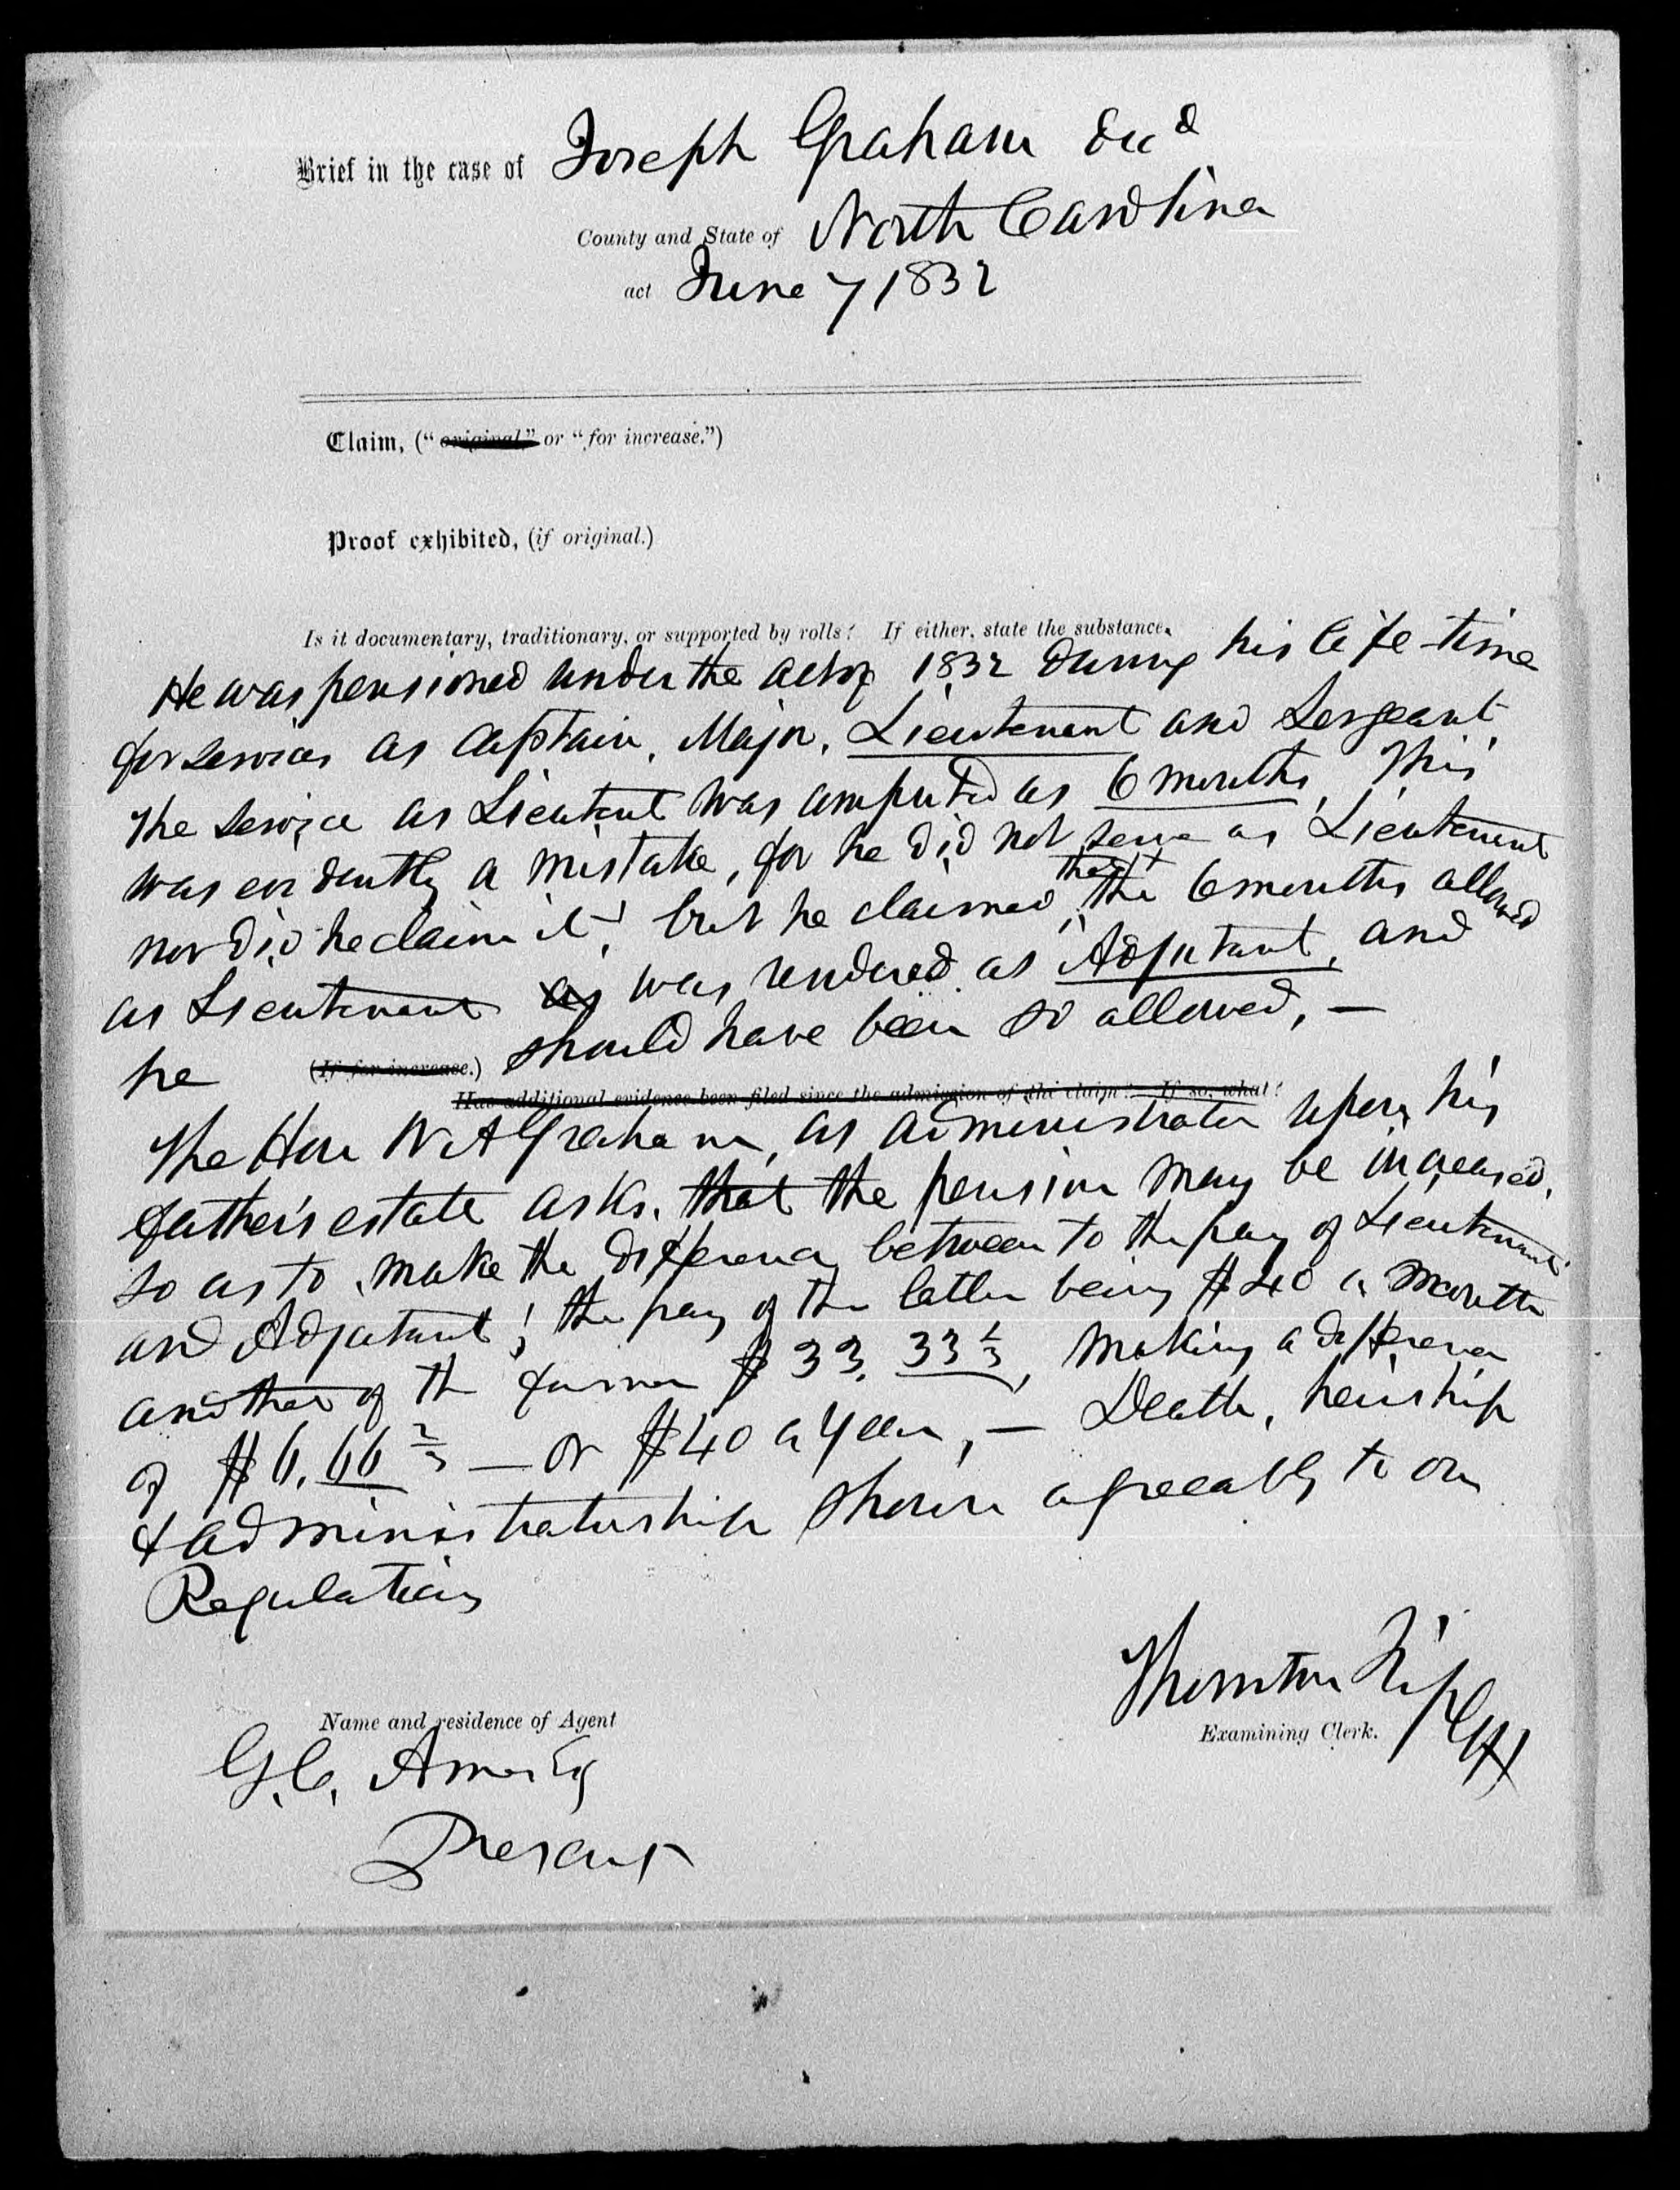Brief in the case of Joseph Graham dec'd
County and State of North Carolina
act June 7 1832
___________________________________________________
Claim for increase

Proof exhibited, (if original.)

Is it documentary, traditional, or supported by rolls? If either, state the substance.
He ws pensioned under the Act of 1832 during his life time for service as Captain Major Lieutenant and Sergeant. The Service as Lieutant was computed as 6 months this was evidently a mistake for he did not serve as Lieutenant nor did he claim it, but he claimed that the 6 moths allowed as Lieutenant were rendered as Adjutant and he should have been so allowed. - The Hon W. A. Graham, as administrator refer his father's estate asks that the pension may be increased so as to make the difference between to the pay of Lieutenant and Adjutant; the pay of the latter being $40 a month and that of the former $33.33 1/3, making a difference of $6.66 2/3 - or $40 a year, - Death, heirship & Administrations shown agreeably to our Regulations
Thornton Triplett
[Signature]

Name and residence of Agent
G. C. Ames
Present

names: W A Graham, G C Ames, Joseph Graham, Thornton Triplett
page: 43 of 55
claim: survivor's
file: S. 6,937, Joseph Graham, N.C.